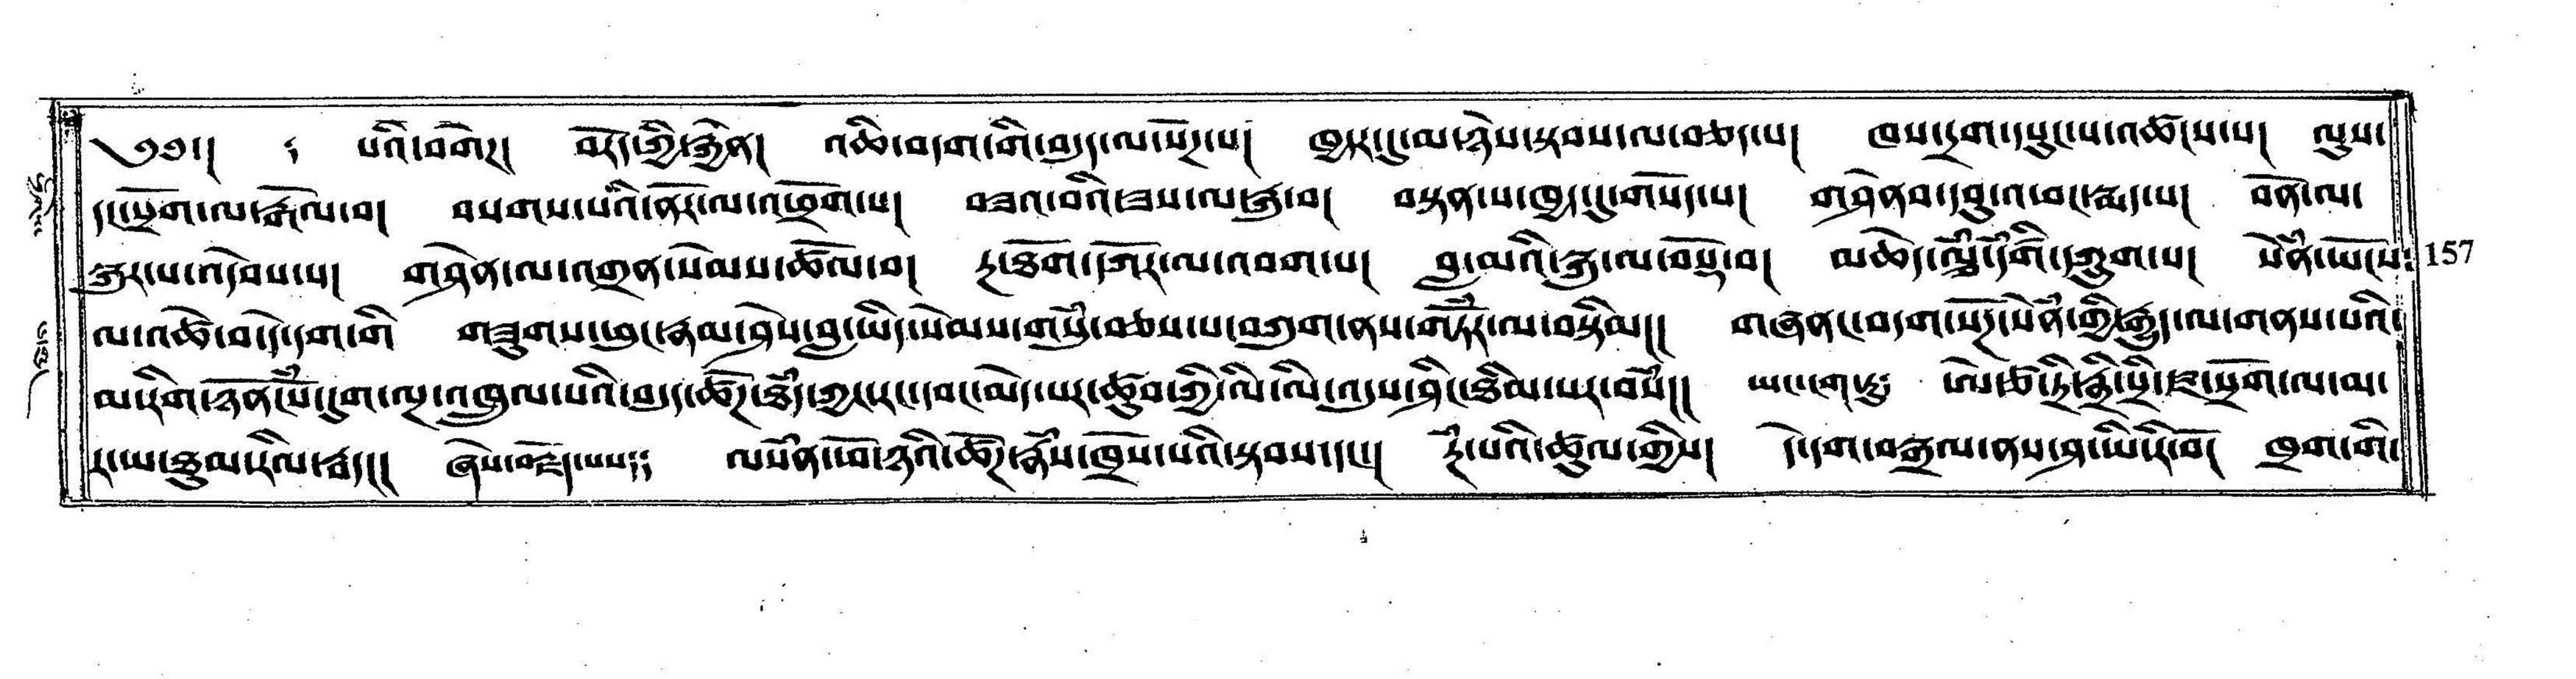པའི་བགེགས། བར་ཆོད་ཀྱི་རྐྱེན། འཆི་བདག་གི་བདུད་ལ་སོགས་པ། ཁྱད་པར་དུ་མ་ཉེས་སྟབས་ལ་བཅད་པ། ཁས་དྲག་དཔུང་པ་འཚངས་པ། ལུས་
དང་སྲོག་ལ་རྒོལ་བ། བསགས་པའི་ནོར་ལ་འཕྲོག་པ། བཟའ་བའི་ཟས་ལ་རྐུ་བ། བསྟན་པ་ཁྱད་དུ་གསོད་པ། གཤེན་རབ་དབུ་འཕང་སྨད་པ། བོན་ལ་
སྐུར་པ་འདེབས་པ། གཤེན་ལ་འགྲན་སེམས་ཚོལ་བ། རྔ་ཐོག་དཀོར་ལ་འབག་པ། བླ་མའི་སྐུ་ལ་བསྡོ་བ། མཆེད་ལྕམ་དམ་ཚིག་དཀྲུག་པ། སེམས་ཅན་ཡོངས་
ལ་འཚེ་བ་དེ་དག་གི གཟུགས་ཕུང་རྣམ་ཤེས་བླ་ཡིད་སེམས་གསུམ་བཅས་པ་བཀུག་ནས་གཏོར་མ་ལ་བསྟིམ།། གཞན་ཡང་བདག་སོགས་སེམས་ཅན་གྱི་རྒྱུད་ལ་གནས་པའི་
མ་རིག་ཉོན་མོངས་དུག་ལྔ་འཁྲུལ་པའི་བདུད་ཚོགས་ཐམས་ཅད་ཀྱང་རང་དབང་མེད་པར་ཚུབ་ཀྱི་ལི་ལི་འདུས་ཤིང་ཐིམ་པར་བསམ།། ཡང་ངག་ཏུ༴ ཨེ་ཙ་ཏྲི་རྣྲི་པྲི་ཛ་སྲོག་ལ་མ་
ར་ཡ་ཐུམ་རིལ་རྦད།། ཞེས་བརྗོད་པས། ལས་མཁན་ཕོ་ཉའི་ཚོགས་རྣམས་ཁྲོས་པའི་སྟབས་དང་། རྔམ་པའི་ཚུལ་གྱིས། དེ་དག་བསྒྲལ་ནས་ཤ་ཡི་རི་བོ། ཁྲག་གི་